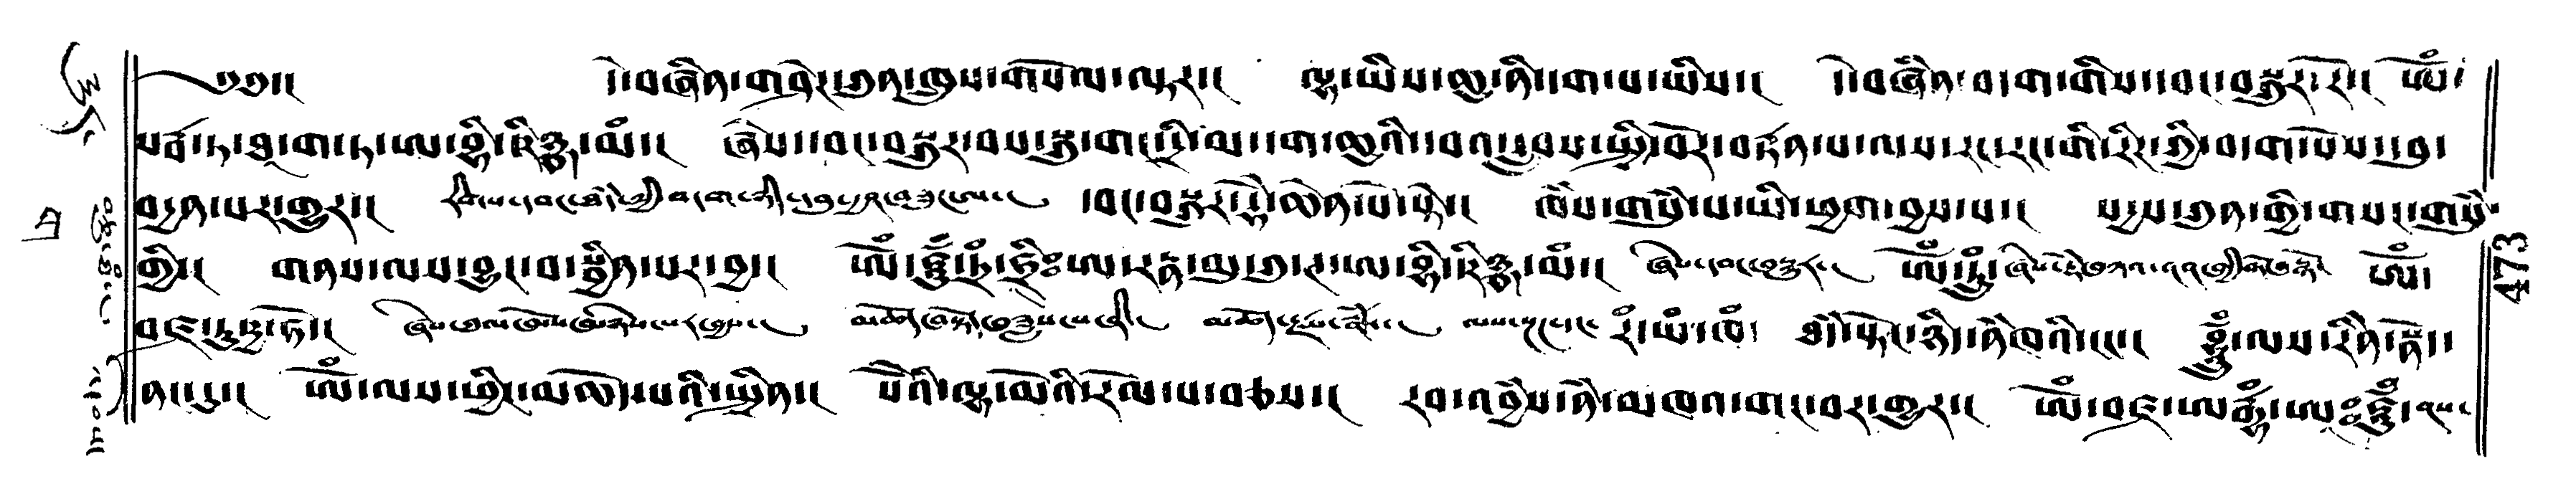།དེ་བཞིན་གཤེགས་ཀུན་ཁྲུས་གསོལ་ལྟར། །ལྷ་ཡིས་ཆུ་ནི་དག་པ་ཡིས། །དེ་བཞིན་བདག་གིས་དབང་བསྐུར་རོ། ཨོཾ་
སརྦ་ཏ་ཐཱ་ག་ཏ་ཨ་བྷི་རིཉྩ་མཾ།ཞེས་དབང་བསྐུར་བས་སྐུ་གང་དྲི་མ་དག་ཆུའི་དབའ་རླབས་སྤྱི་བོར་བརྟན་པ་ལས་རང་རང་གི་རིགས་ཀྱི་བདག་པོས་དབུ་
བརྒྱན་པར་གྱུར། རིགས་དབང་ཐམས་ཅད་ཀྱི་བདག་ཉིད་དབུ་རྒྱན་བཟུང་ལ། དབང་བསྐུར་རྡོ་རྗེ་ཆེན་པོ་སྟེ། ཁམས་གསུམ་པ་ཡི་ཕྱག་བྱས་པ། །སངས་རྒྱས་ཀུན་གྱི་གསང་གསུམ་
གྱི། །གནས་ལས་བྱུང་བ་སྦྱིན་པར་བྱ། ཨོཾ་ཧཱུྃ་ཏྲཾ་ཧྲཱིཿཨ་རཏྣ་མུ་ཀུ་ཊ་ཨ་བྷི་རིཉྩ་མཾ། ཞེས་དབང་བསྐུར། ཨོཾ་ཏྲུཾ། ཞེས་རྡོ་རྗེ་བཀའ་ནན་གྱི་གོ་བསྒོ། ཨོཾ་
བཛྲ་ཏུརྱ་ཧོ། ཞེས་ཐལ་མོས་མཉེས་པར་བྱས། མཆོད་བསྟོད་བཟླས་པ་ནི། མཆོད་རྫས་རྣམས། ལས་སྔགས་དང་། རཾ་ཡཾ་ཁཾ། ཐམས་ཅད་སྟོང་ཉིད་ནམ་མཁའི་ངང་། །བྷྲཱུྃ་ལས་རིན་ཆེན་སྣོད་
ནང་དུ། །ཨོཾ་ལས་ཕྱི་ནང་མཆོད་པའི་སྤྲིན། །སོ་སོའི་ལྷ་མོའི་རོལ་པ་བཅས། །རབ་འབྱམས་ནམ་མཁའ་གང་བར་གྱུར། ཨོཾ་བཛྲ་ཨརྒྷཾ་ཨ་ཧཱུྃ། ནས་